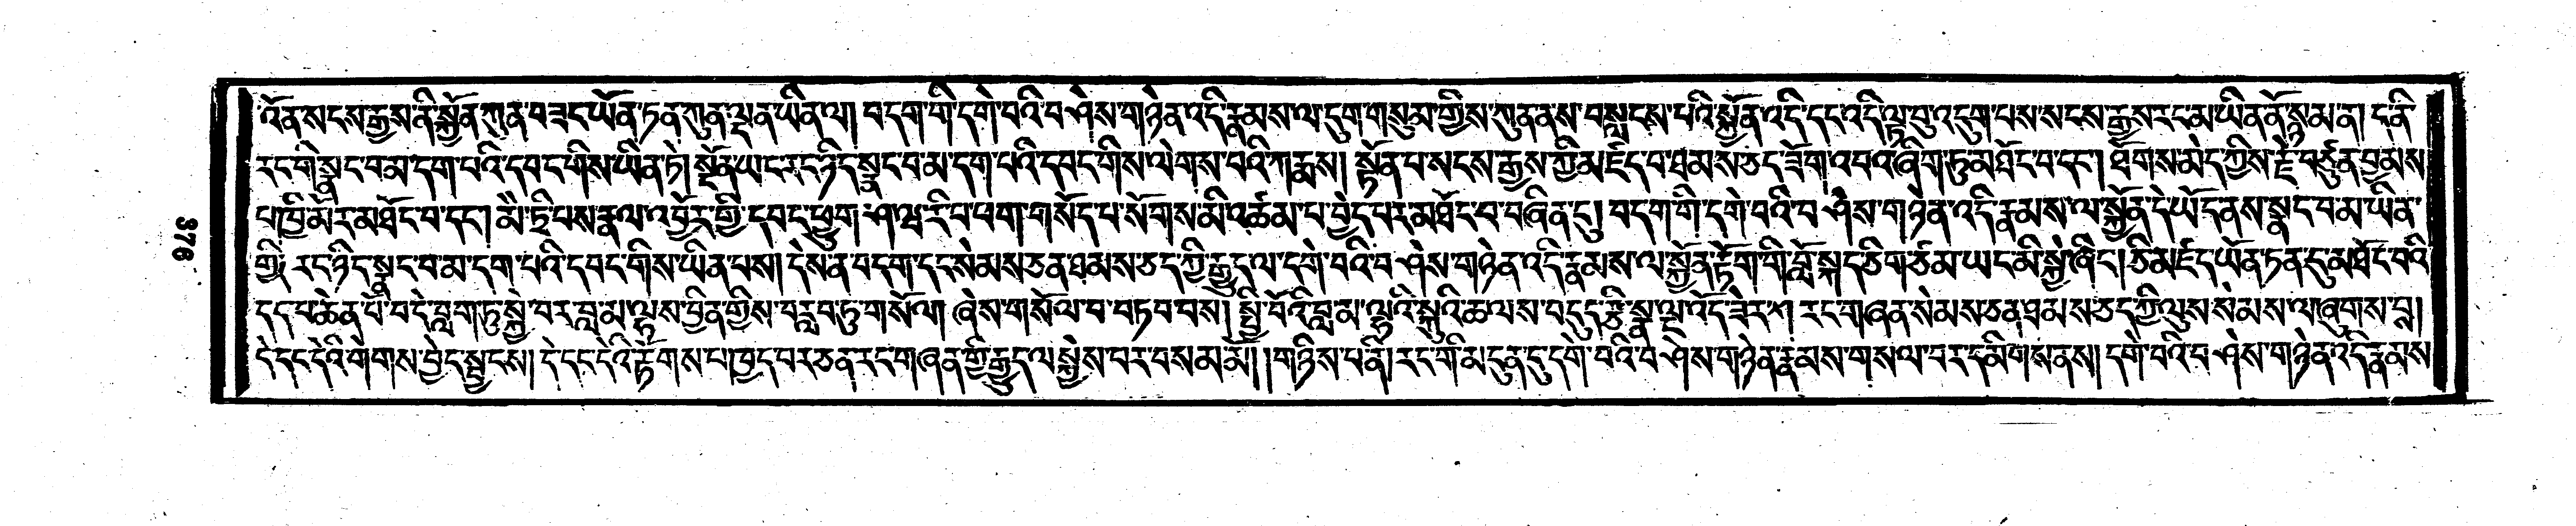འོ་ན་སངས་རྒྱས་ནི་སྐྱོན་ཀུན་བཟང་ཡོན་ཏན་ཀུན་ལྡན་ཡིན་ལ། བདག་གི་དགེ་བའི་བཤེས་གཉེན་འདི་རྣམས་ལ་དུག་གསུམ་གྱིས་ཀུན་ནས་བསླངས་པའི་སྐྱོན་འདི་དང་འདི་ལྟ་བུ་འདུག་པས་སངས་རྒྱས་རང་མ་ཡིན་ནོ་སྙམ་ན། ད་ནི་
རང་གི་སྣང་བ་མ་དག་པའི་དབང་གིས་ཡིན་ཏེ། སྔོན་ཡང་རང་ཉིད་སྣང་བ་མ་དག་པའི་དབང་གིས་ལེགས་པའི་ཀརྨས། སྟོན་པ་སངས་རྒྱས་ཀྱི་མཛད་པ་ཐམས་ཅད་ཟོག་འབའ་ཞིག་ཏུ་མཐོང་བ་དང་། ཐོགས་མེད་ཀྱིས་རྗེ་བཙུན་བྱམས་
པ་ཁྱི་མོར་མཐོང་བ་དང་། མཻ་ཏྲི་པས་རྣལ་འབྱོར་གྱི་དབང་ཕྱུག་ཤ་ཝ་རི་པ་ཕག་གསོད་པ་སོགས་མི་འཚམ་པ་བྱེད་པར་མཐོང་བ་བཞིན་དུ། བདག་གི་དགེ་བའི་བཤེས་གཉེན་འདི་རྣམས་ལ་སྐྱོན་དེ་ཡོད་ནས་སྣང་བ་མ་ཡིན་
གྱི༑ རང་ཉིད་སྣང་བ་མ་དག་པའི་དབང་གིས་ཡིན་པས། དེས་ན་བདག་དང་སེམས་ཅན་ཐམས་ཅད་ཀྱི་རྒྱུད་ལ་དགེ་བའི་བཤེས་གཉེན་འདི་རྣམས་ལ་སྐྱོན་རྟོག་གི་བློ་སྐད་ཅིག་ཙམ་ཡང་མི་སྐྱེ་ཞིང་། ཅི་མཛད་ཡོན་ཏན་དུ་མཐོང་བའི་
དད་པ་ཆེན་པོ་བདེ་བླག་ཏུ་སྐྱེ་བར་བླ་མ་ལྷས་བྱིན་གྱིས་བརླབ་ཏུ་གསོལ། ཞེས་གསོལ་བ་བཏབ་པས། སྤྱི་བོའི་བླ་མ་ལྷའི་སྐུའི་ཆ་ལས་བདུད་རྩི་སྣ་ལྔ་འོད་ཟེར་྾། རང་གཞན་སེམས་ཅན་ཐམས་ཅད་ཀྱི་ལུས་སེམས་ལ་ཞུགས་པས།
དེ་དང་དེའི་གེགས་བྱེད་སྦྱངས། དེ་དང་དེའི་རྟོགས་པ་ཁྱད་པར་ཅན་རང་གཞན་གྱི་རྒྱུད་ལ་སྐྱེས་པར་བསམ་མོ། །གཉིས་པ་ནི། རང་གི་མདུན་དུ་དགེ་བའི་བཤེས་གཉེན་རྣམས་གསལ་བར་དམིགས་ནས། དགེ་བའི་བཤེས་གཉེན་འདི་རྣམས་